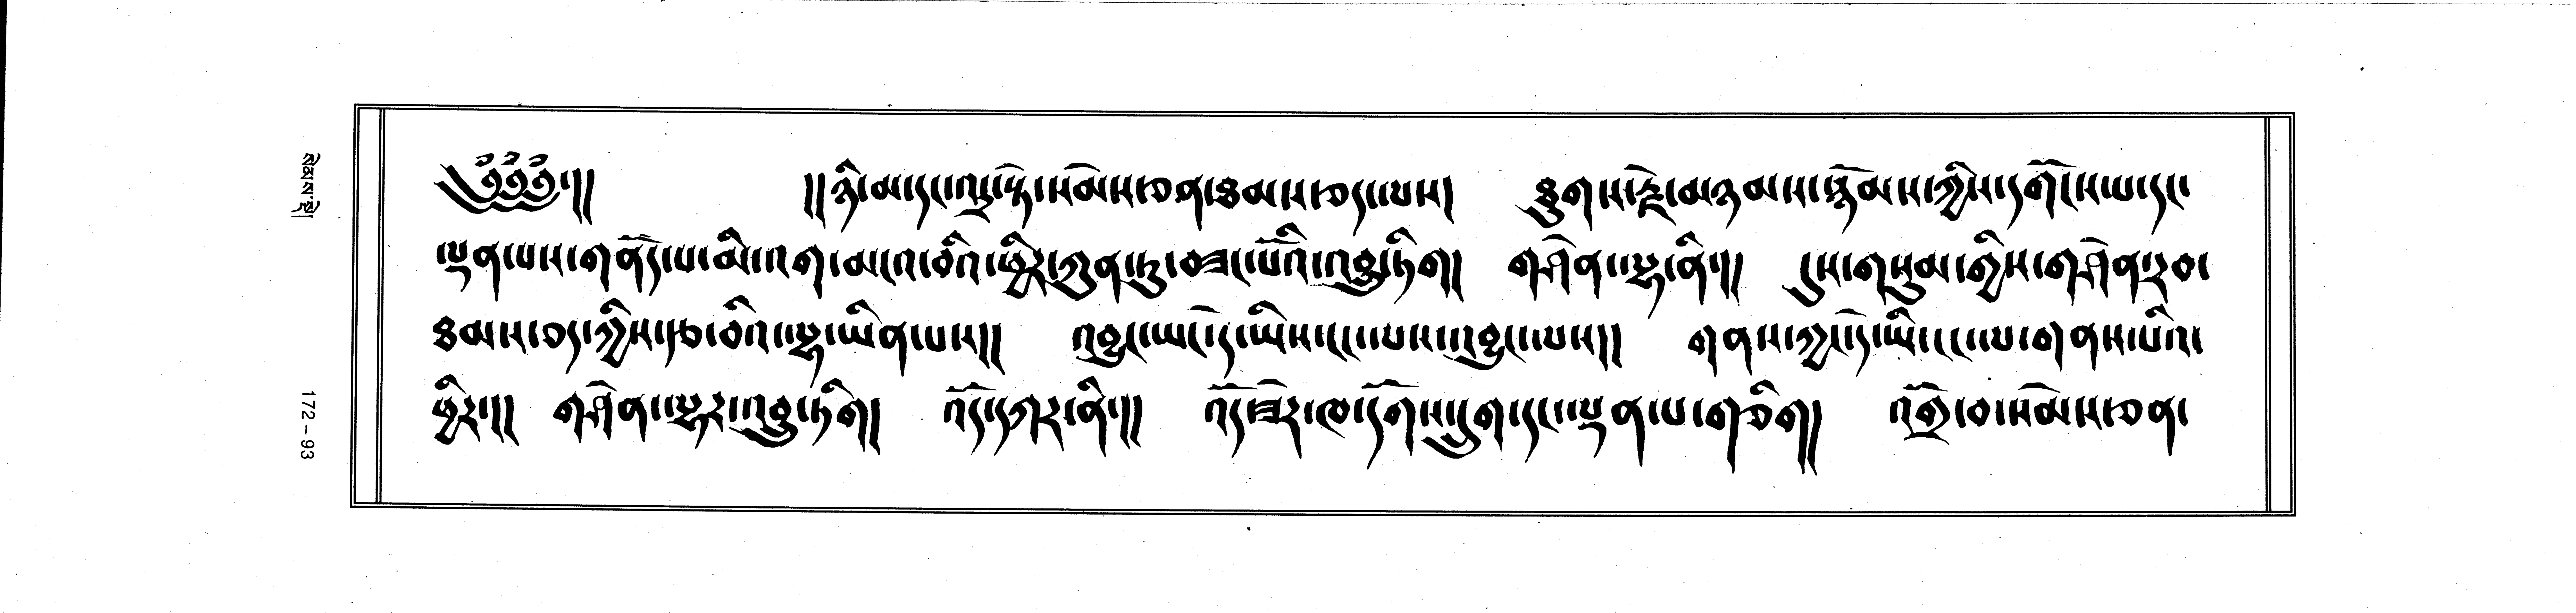ཉི་མ་དང་འདྲ་སྟེ་སེམས་ཅན་ཐམས་ཅད་ལས། ཐུགས་རྗེ་མཉམས་སྙོམས་ཀྱིས་དགོངས་པ་དང་
ལྡན་པས་གནོད་པ་མི་མངའ་བའི་ཕྱིར་ཀུན་ཏུ་བཟང་པོའི་འབྲུ་ཏིག གཤེན་ལྷ་ནི། དུས་གསུམ་གྱིས་གཤེན་རབ་
ཐམས་ཅད་ཀྱིས་རྩ་བའི་ལྷ་ཡིན་པས། འབྱུང་ཡང་དེ་ཡིས་ངང་ལས་འབྱུང་ལས། གནས་ཀྱང་དེ་ཡི་ངང་ལ་གནས་པའི་
ཕྱིར། གཤེན་ལྷར་འབྲུ་ཏིག་འོད་དཀར་ནི། འོད་ཟེར་ཁ་དོག་དྲུག་དང་ལྡན་པ་གཅིག འགྲོ་བ་སེམས་ཅན་